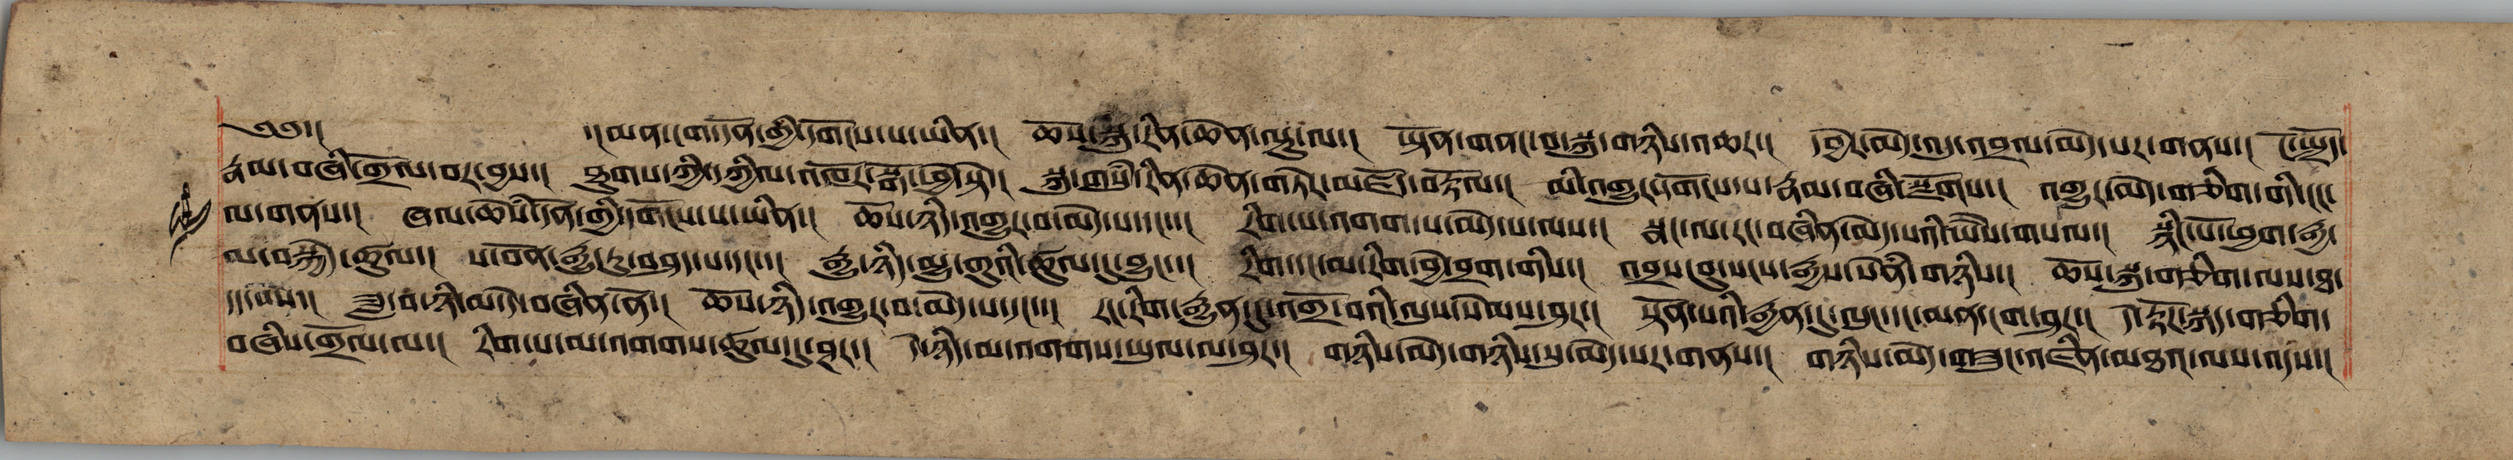༄༅་། ་།མན་ངག་དོན་གྱི་དགོངས་པ་ཡིན་། ཆོས་སྐུ་རིན་ཆེན་ལྟུ་ལ་། ཡྟོན་གནང་བ་སྐུ་གཉིས་འཆར་། དབྱེར་མེད་འདུ་འབྲལ་མེད་པར་གནས་། ངོ་སྤྲོད་
རྣམ་བཞི་གྲོལ་བར་བྱས་། ཐུགས་ཀྱི་དཀྱིལ་འཁོར་སྒོ་ཕྱེ་སྟེ་། སྐུ་གསུཾ་རིན་ཆེན་གཏེར་མཛོད་བརྟོལ་། མི་འགྱུར་དགོངས་པ་རྣམ་བཞི་སྫོགས་། འགྱུར་མེད་གཅིག་གི་ངང་
མ་གནས་། ཞལ་ཆེཾས་དོན་གྱི་དགོངས་པ་ཡིན་། ཆོས་ཉིད་འགྱུར་བ་མེད་པ་དང་་། རིག་པ་འགག་པ་མེད་པ་ལས་། སྣང་ལ་རང་བཞིན་མེད་པའི་ཡཻས་གསལ་། སྙིང་པོ་ཕྱག་རྒྱ་
མི་བསྐྱེད་ཚུལ་། ས་བོན་རྒྱུ་རུ་བཤད་པ་དང་་། རྒྱུ་ཉིད་མྱུ་གུའི་ཚུལ་དུ་བྱུང་་། རིག་དང་མ་རིག་བྱེ་བྲག་གིས་། འབྲས་བུ་སངས་རྒྱས་སེནཾ་གཉིས་། ཆོས་སྐུ་གཅིག་ལས་ཐ་
དད་བས་། ཟླ་བ་ཉི་མ་དེ་བཞིན་ནོ་། ཆོས་ཉིད་འགྱུར་བ་མེད་པ་དང་་། རང་རིག་རྒྱུན་ཏུ་འགྲོ་བའི་ལུས་སེམས་ཤར་། སྟོན་པའི་རྒྱན་དུ་ལུང་དང་མན་ངག་ཤར་། དེ་རྟོཌ་སྐད་གཅིག་
བཞིས་གྲོལ་ལ་། རིག་པ་མ་འགགས་ཚུལ་དུ་ཤར་། དེ་ཉིད་མ་འགགས་ཡུལ་ལ་ཤར་། གཉིས་མེད་གཉིས་སུ་མེད་པར་གནས་། གཉིས་མེད་གཟུང་འཛིན་མཐའ་ལས་འདས་།